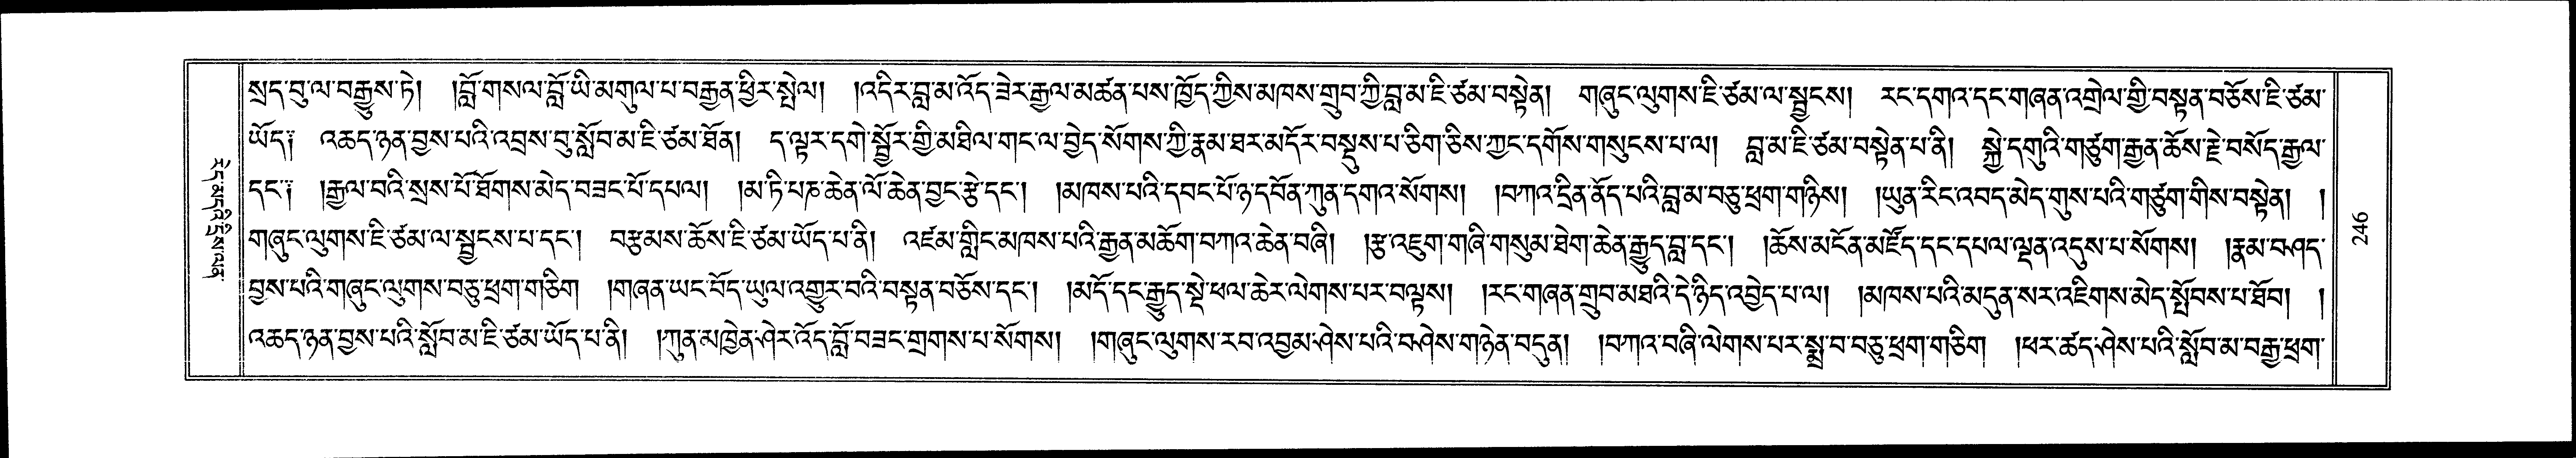སྲད་བུ་ལ་བརྒྱུས་ཏེ། །བློ་གསལ་བློ་ཡི་མགུལ་པ་བརྒྱན་ཕྱིར་སྤེལ། །འདིར་བླ་མ་འོད་ཟེར་རྒྱལ་མཚན་པས་ཁྱོད་ཀྱིས་མཁས་གྲུབ་ཀྱི་བླ་མ་ཇི་ཙམ་བསྟེན། གཞུང་ལུགས་ཇི་ཙམ་ལ་སྦྱངས། རང་དགའ་དང་གཞན་འགྲེལ་གྱི་བསྟན་བཅོས་ཇི་ཙམ་
ཡོད། འཆད་ཉན་བྱས་པའི་འབྲས་བུ་སློབ་མ་ཇི་ཙམ་ཐོན། ད་ལྟར་དགེ་སྦྱོར་གྱི་མཐིལ་གང་ལ་བྱེད་སོགས་ཀྱི་རྣམ་ཐར་མདོར་བསྡུས་པ་ཅིག་ཅིས་ཀྱང་དགོས་གསུངས་པ་ལ། བླ་མ་ཇི་ཙམ་བསྟེན་པ་ནི། སྐྱེ་དགུའི་གཙུག་རྒྱན་ཆོས་རྗེ་བསོད་རྒྱལ་
དང་། །རྒྱལ་བའི་སྲས་པོ་ཐོགས་མེད་བཟང་པོ་དཔལ། །མ་ཏི་པཎ་ཆེན་ལོ་ཆེན་བྱང་རྩེ་དང་། །མཁས་པའི་དབང་པོ་ཉ་དབོན་ཀུན་དགའ་སོགས། །བཀའ་དྲིན་ནོད་པའི་བླ་མ་བཅུ་ཕྲག་གཉིས། །ཡུན་རིང་འབད་མེད་གུས་པའི་གཙུག་གིས་བསྟེན།།
གཞུང་ལུགས་ཇི་ཙམ་ལ་སྦྱངས་པ་དང་། བརྩམས་ཆོས་ཇི་ཙམ་ཡོད་པ་ནི། འཛམ་གླིང་མཁས་པའི་རྒྱན་མཆོག་བཀའ་ཆེན་བཞི། །རྩ་འཇུག་གཞི་གསུམ་ཐེག་ཆེན་རྒྱུད་བླ་དང་། །ཆོས་མངོན་མཛོད་དང་དཔལ་ལྡན་འདུས་པ་སོགས། །རྣམ་བཤད་
བྱས་པའི་གཞུང་ལུགས་བཅུ་ཕྲག་གཅིག །གཞན་ཡང་བོད་ཡུལ་འགྱུར་བའི་བསྟན་བཅོས་དང་། །མདོ་དང་རྒྱུད་སྡེ་ཕལ་ཆེར་ལེགས་པར་བལྟས། །རང་གཞན་གྲུབ་མཐའི་དེ་ཉིད་འབྱེད་པ་ལ། །མཁས་པའི་མདུན་སར་འཇིགས་མེད་སྤོབས་པ་ཐོབ།།
འཆད་ཉན་བྱས་པའི་སློབ་མ་ཇི་ཙམ་ཡོད་པ་ནི། །ཀུན་མཁྱེན་ཤེར་འོད་བློ་བཟང་གྲགས་པ་སོགས། །གཞུང་ལུགས་རབ་འབྱམ་ཤེས་པའི་བཤེས་གཉེན་བདུན། །བཀའ་བཞི་ལེགས་པར་སྨྲ་བ་བཅུ་ཕྲག་གཅིག །ཕར་ཚད་ཤེས་པའི་སློབ་མ་བརྒྱ་ཕྲག་